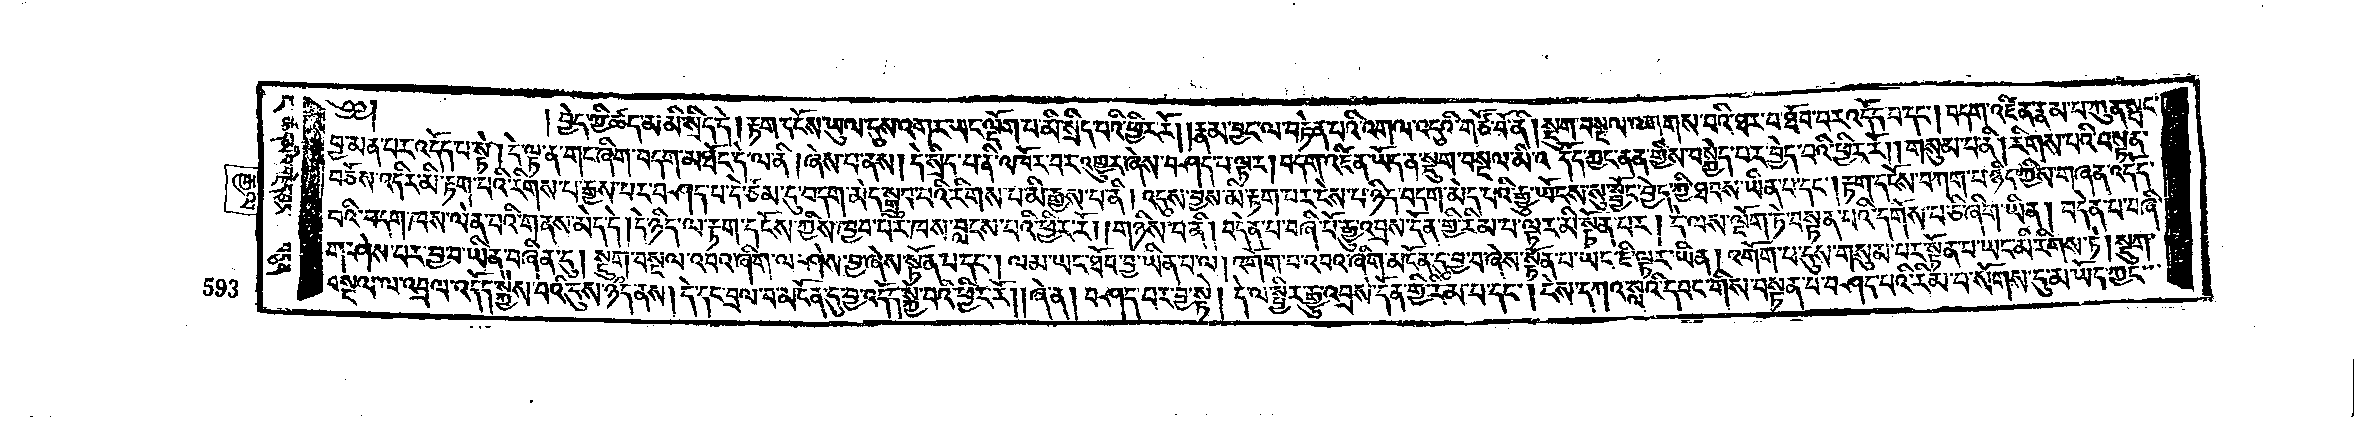༄༅། །བྱེད་ཀྱི་ཚད་མ་མི་སྲིད་དེ། རྟག་དངོས་ཡུལ་དུས་འགར་ཡང་ལྡོག་པ་མི་སྲིད་པའི་ཕྱིར་རོ། །རྣམ་བྱང་ལ་བརྟེན་པའི་འགལ་འདུའི་གཙོ་བོ་ནི། སྡུག་བསྔལ་འགགས་པའི་ཐར་པ་ཐོབ་པར་འདོད་པ་དང་། བདག་འཛིན་རྣམ་པ་ཀུན་སྤང་
བྱ་མན་པར་འདོད་པ་སྟེ། དེ་ལྟ་ན་གང་ཞིག་བདག་མཐོང་དེ་ལ་ནི། ཞེས་པ་ནས། དེ་སྲིད་པ་ནི་འཁོར་བར་འགྱུར་ཞེས་བཤད་པ་ལྟར། བདག་འཛིན་ཡོད་ན་སྡུག་བསྔལ་མི་འདོད་ཀྱང་ནན་གྱིས་བསྐྱེད་པར་བྱེད་པའི་ཕྱིར་རོ། །གསུམ་པ་ནི། རིགས་པའི་བསྟན་
བཅོས་འདིར་མི་རྟག་པའི་རིགས་པ་རྒྱས་པར་བཤད་པ་དེ་ཙམ་དུ་བདག་མེད་སྒྲུབ་པའི་རིགས་པ་མི་རྒྱས་པ་ནི། འདུས་བྱས་མི་རྟག་པར་ངེས་པ་ཉིད་བདག་མེད་པའི་རྒྱུ་ཡོངས་སུ་སྦྱོང་བྱེད་ཀྱི་ཐབས་ཡིན་པ་དང་། རྟག་དངོས་བཀག་པ་ཉིད་ཀྱིས་གཞན་འདོད་
པའི་བདག་ཁས་ལེན་པའི་གནས་མེད་དེ། དེ་ཉིད་ལ་རྟག་དངོས་ཀྱིས་ཁྱབ་པར་ཁས་བླངས་པའི་ཕྱིར་རོ། །གཉིས་པ་ནི། བདེན་པ་བཞི་པོ་རྒྱུ་འབྲས་དོན་གྱི་རིམ་པ་ལྟར་མི་སྟོན་པར། དེ་ལས་ལྡོག་ཏེ་བསྟན་པའི་དགོས་པ་ཅི་ཞིག་ཡིན། བདེན་པ་བཞི་
ག་ཤེས་པར་བྱ་བ་ཡིན་བཞིན་དུ། སྡུག་བསྔལ་འབའ་ཞིག་ལ་ཤེས་བྱ་ཞེས་སྟོན་པ་དང་། ལམ་ཡང་ཐོབ་བྱ་ཡིན་པ་ལ། འགོག་པ་འབའ་ཞིག་མངོན་དུ་བྱ་བ་ཞེས་སྟོན་པ་ཡང་ཇི་ལྟར་ཡིན། འགོག་པ་དུས་གསུམ་པར་སྟོན་པ་ཡང་མི་རིགས་ཏེ། སྡུག་
བསྔལ་ལ་འབྲལ་འདོད་སྐྱེས་པའི་དུས་ཉིད་ནས། དེ་དང་བྲལ་བ་མངོན་དུ་བྱ་འདོད་སྐྱེ་བའི་ཕྱིར་རོ། །ཞེ་ན། བཤད་པར་བྱ་སྟེ། དེ་ལ་སྤྱིར་རྒྱུ་འབྲས་དོན་གྱི་རིམ་པ་དང་། ངེས་དཀའ་སླའི་དབང་གིས་བསྟན་པ་བཤད་པའི་རིམ་པ་སོགས་དུ་མ་ཡོད་ཀྱང་